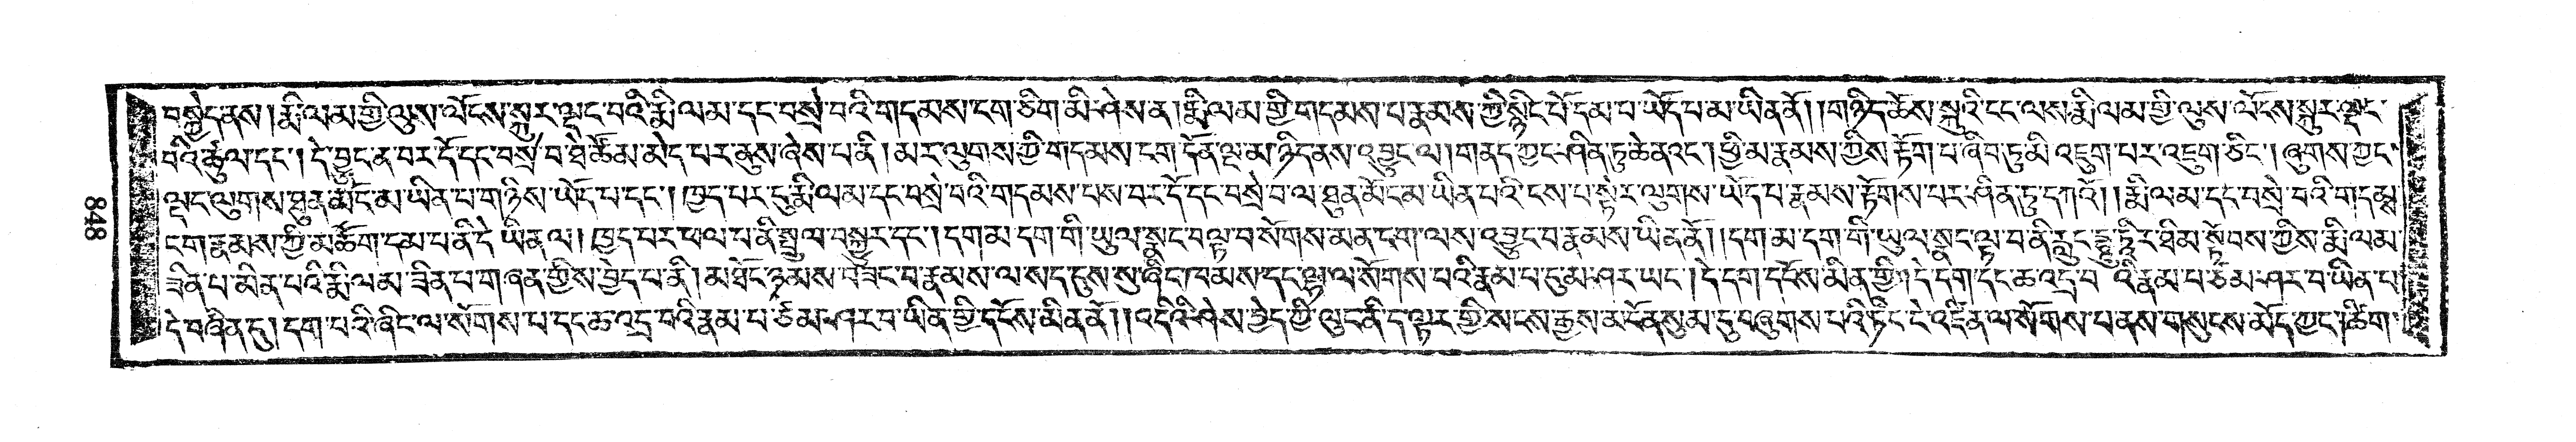བསྐྱེད་ནས། རྨི་ལམ་གྱི་ལུས་ལོངས་སྐུར་ལྡང་བའི་རྨི་ལམ་དང་བསྲ་བའི་གདམས་ངག་ཅིག་མི་ཤེས་ན། རྨི་ལམ་གྱི་གདམས་པ་རྣམས་ཀྱི་སྙིང་པོ་དམ་པ་ཡོད་པ་མ་ཡིན་ནོ། །གཉིད་ཆོས་སྐུའི་ངང་ལས་རྨི་ལམ་གྱི་ལུས་ལོངས་སྐུར་ལྡང་
བའི་ཚུལ་དང་། དེ་བྱུང་ན་བར་དོ་དང་བསྲེ་བ་ཐེ་ཚོམ་མེད་པར་ནུས་ཞེས་པ་ནི། མར་ལུགས་ཀྱི་གདམས་ངག་དོན་ལྔ་མ་ཉིད་ནས་འབྱུང་ལ། གནད་ཀྱང་ཤིན་ཏུ་ཆེ་ནའང་། ཕྱི་མ་རྣམས་ཀྱིས་རྟོག་པ་ཞིབ་ཏུ་མི་འཇུག་པར་འཇུག་ཅིང་། ཞུགས་ཀྱང་
ལྡང་ལུགས་ཐུན་མོང་མ་ཡིན་པ་གཉིས་ཡོད་པ་དང་། ཁྱད་པར་དུ་རྨི་ལམ་དང་བསྲ་བའི་གདམས་པས་བར་དོ་དང་བསྲེ་བ་ལ་ཐུན་མོང་མ་ཡིན་པའི་ངས་པ་སྟེར་ལུགས་ཡོད་པ་རྣམས་རྟོགས་པར་ཤིན་ཏུ་དཀའོ། །རྨི་ལམ་དང་བསྲེ་བའི་གདམས་
ངག་རྣམས་ཀྱི་མཆག་དམ་པ་ནི་དེ་ཡིན་ལ། ཁྱད་པར་ཕལ་པ་ནི་སྤྲུལ་བསྒྱུར་དང་། དག་མ་དག་གི་ཡུལ་སྣང་བལྟ་བ་སོགས་མན་ངག་ལས་འབྱུང་བ་རྣམས་ཡིན་ནོ། །དག་མ་དག་གི་ཡུལ་སྣང་ལྟ་བ་ནི་རླུང་དྷཱུ་ཏཱིར་ཐིམ་སྟོབས་ཀྱིས་རྨི་ལམ་
ཟིན་པ་མིན་པའི་རྨི་ལམ་ཟིན་པ་གཞན་གྱིས་བྱེད་པ་ནི། མཐོང་ཉམས་བཟང་བ་རྣམས་ལ་སད་དུས་སུ་ཞིང་ཁམས་དང་ལྷ་ལ་སོགས་པའི་རྣམ་པ་དུ་མ་ཤར་ཡང་། དེ་དག་དངོས་མིན་གྱི། དེ་དག་དང་ཆ་འདྲ་བའི་རྣམ་པ་ཙམ་ཤར་བ་ཡིན་པ་
དེ་བཞིན་དུ། དག་པའི་ཞིང་ལ་སོགས་པ་དང་ཆ་འདྲ་བའི་རྣམ་པ་ཙམ་ཤར་བ་ཡིན་གྱི་དངོས་མིན་ནོ། །འདིའི་ཤེས་བྱེད་ཀྱི་ལུང་ནི་ད་ལྟར་གྱི་སངས་རྒྱས་མངོན་སུམ་དུ་བཞུགས་པའི་ཏིང་ངེ་འཛིན་ལ་སོགས་པ་ནས་གསུངས་མོད་ཀྱང་། ཚིག་